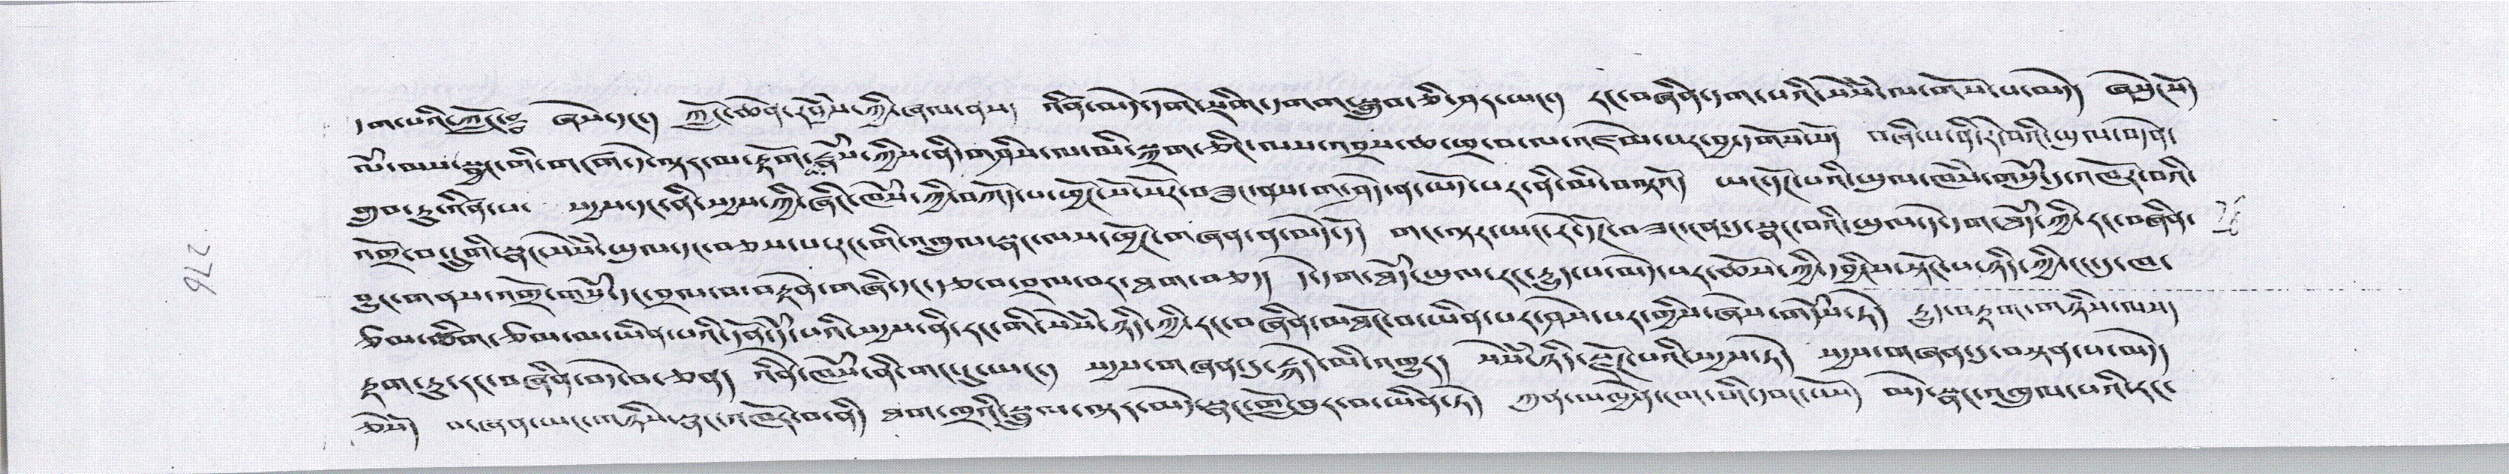དག་པའི་ཀློངཿ ཞེས་དང། ཀློང་ཆེན་རབ་འབྱམས་ཀྱི་ཞལ་ནས། འཛིན་མེད་དགེ་སྡིག་དགག་སྒྲུབ་ཅི་ཤར་ཡང། རང་བཞིན་དག་པའི་སེམས་ལ་གོས་པ་མེད། ཞེས་གསུངས་སོ། 
ལམ་ལས་སྦྱང་གི་གང་ཟག་དེ་ལྟར་མ་རྟོག་པ་རྣམས་ཀྱིས་ནི་གཤིས་ལ་མི་སྐྲག་ཅིང་ལས་འབྲས་ཆ་ཕྲ་བ་ལ་འཛེམ་པར་བྱ་དགོས་སོ། བཞི་པ་ནི་རེ་བའི་ཡུལ་བདེན་
གྲུབ་ཏུ་འཛིན་པ། སངས་རྒྱས་དང་ནི་སངས་རྒྱས་ཀྱི་ཞིང་ཁམས་ཀྱི་བཀོད་པ་ཕྱོགས་སོ་སོར་བཟུང་ནས་ག་ཤེད་ན་ཡོད་པར་ནི་མི་བལྟའོ། ཡང་དོགས་པའི་ཡུལ་ཁམས་གསུམ་དུ་འཁོར་བའི་
འགྲོ་བ་དྲུག་གི་སྣང་སེམས་ཡུལ་དང་བཅས་པ་རང་གི་འཁྲུལ་སྣང་ལས་ཕྱོགས་གཞན་ན་མེད་དོ། གང་ལྟར་ཡང་རེ་དོགས་བཟང་ངན་དུ་སྣང་བའི་ཡུལ་དེ་དག་ཐམས་ཅད་ཀྱི་རང་བཞིན་
བྱུང་གནས་འགྲོ་གསུམ་དང་བྲལ་བ་བརྟེན་གཞི་དང་རྩ་བ་བྲལ་བར་ཐག་བཅད། དེ་དག་ཐམས་ཅད་ཡུལ་རང་རྒྱུད་བ་མེད་པར་ཆོས་ཀྱི་དབྱིངས་སྟོང་པ་ཉིད་ཀྱི་ངང་དུ་ཁ་
ཙམ་ཚིག་ཙམ་མ་ཡིན་པའི་དོན་དམ་པའི་སངས་རྒྱས་ནི་རང་གི་སེམས་ཉིད་ཀྱི་རང་བཞིན་མཐོང་བ་ཡིན་པར་ཤེས་པར་གྱིས་ཞེས་གདམས་ཏེ། རྒྱུད་བརྟག་གཉིས་ལས། 
རྟག་ཏུ་རང་བཞིན་བདེ་བ་ཅན། འཇིག་རྟེན་ཁམས་ནི་གང་དུ་ཡང། སངས་རྒྱས་གཞན་དུ་རྙེད་མི་འགྱུར། སེམས་ཉིད་རྫོགས་པའི་སངས་རྒྱས་ཏེ། སངས་རྒྱས་གཞན་དུ་བསྟན་པ་མེད། 
ཅེས་སོ། གཞན་ཡང་གཉིས་སྣང་འཁོར་བ་ནི། ཐག་ཁྲའི་སྦྲུལ་ལྟར་མེད་སྣང་གློ་བུར་བ་ཡིན་ཏེ། ཀུན་མཁྱེན་ངག་གི་དབང་པོས། མེད་སྣང་འཁྲུལ་པའི་རང་